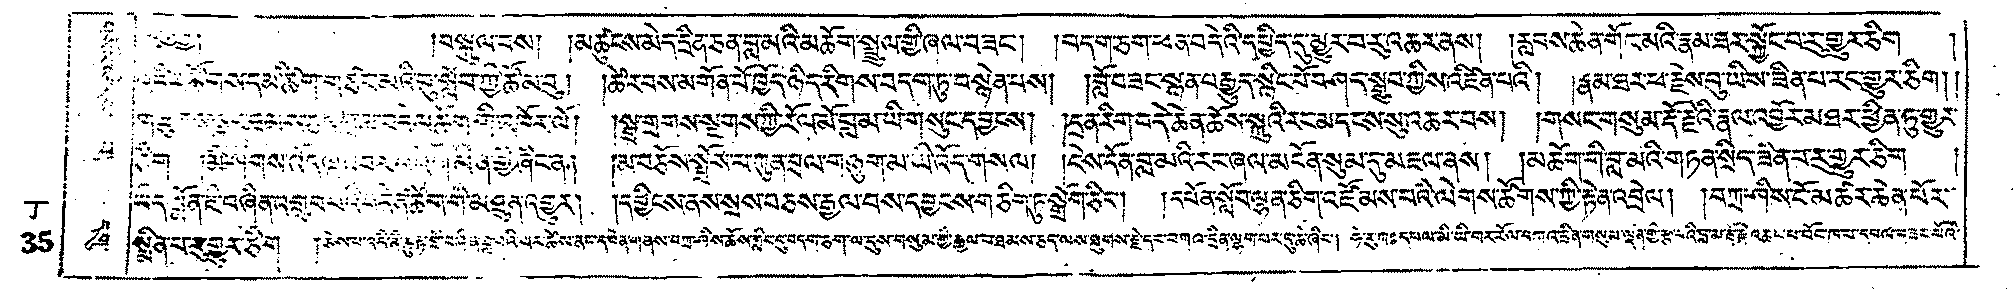༄༅། །བསྐུལ་བས། །མཚུངས་མེད་དྲིན་ཅན་བླ་མའི་མཆོག་སྤྲུལ་གྱི་ཞལ་བཟང་། །བདག་ཅག་ཕན་བདེའི་དཔྱིད་དུ་མྱུར་བ་རུ་འཆར་ནས། །རླབས་ཆེན་གོང་མའི་རྣམ་ཐར་སྐྱོང་བ་རུ་གྱུར་ཅིག །
འདིར་ཚོགས་དམ་ཚིག་གཙང་མའི་བུ་སློབ་ཀྱི་ཚོམ་བུ། །ཚེ་རབས་མགོན་པོ་ཁྱོད་ཉིད་རིགས་བདག་ཏུ་བསྙེན་པས། །བློ་བཟང་སྙན་བརྒྱུད་སྙིང་པོ་བཤད་སྒྲུབ་ཀྱིས་འཛིན་པའི། །རྣམ་ཐར་ཕ་རྗེས་བུ་ཡིས་ཟིན་པ་རང་གྱུར་ཅིག ། །
གཟུགས་སྣང་ཐམས་ཅད་བླ་མ་བདེ་མཆོག་གི་འཁོར་ལོ། །སྒྲ་གྲགས་སྔགས་ཀྱི་རོལ་མོ་བླ་མ་ཡི་གསུང་དབྱངས། །དྲན་རིག་བདེ་ཆེན་ཆོས་སྐུའི་རང་མདངས་སུ་འཆར་བས། །གསང་གསུམ་རྡོ་རྗེའི་རྣལ་འབྱོར་མཐར་ཕྱིན་ཏུ་གྱུར་
ཅིག །མི་ཤིགས་འོད་ལྔ་འབར་བ་འོག་མིན་གྱི་ཞིང་ན། །མ་བཅོས་སྤྲོས་པ་ཀུན་བྲལ་གཉུག་མ་ཡི་འོད་གསལ། །ངེས་དོན་བླ་མའི་རང་ཞལ་མངོན་སུམ་དུ་མཇལ་ནས། །མཆོག་གི་བླ་མའི་གཏན་སྲིད་ཟིན་པ་རུ་གྱུར་ཅིག །
ཡིད་སྨོན་ཇི་བཞིན་འགྲུབ་བའི་བདེན་ཚིག་གི་མཐུན་འགྱུར། །དབྱིངས་ནས་སྲས་བཅས་རྒྱལ་བས་དབྱངས་གཅིག་ཏུ་སྒྲོག་ཅིང་། །དཔོན་སློབ་ལྷན་ཅིག་འཛོམས་པའི་ལེགས་ཚོགས་ཀྱི་རྟེན་འབྲེལ། །བཀྲ་ཤིས་ངོ་མཚར་ཆེན་པོར་་་
སྨིན་པ་རུ་གྱུར་ཅིག །ཅེས་པ་འདི་ནི་ཆུ་རྟ་གྲོ་བཞིན་ཟླ་བའི་ཡར་ཚེས་ནང་དབེན་གནས་བཀྲ་ཤིས་ཆོས་གླིང་དུ་བདག་ཅག་ལ་དུས་གསུམ་གྱི་རྒྱལ་བ་ཐམས་ཅད་ལས་ཐུགས་རྗེ་དང་བཀའ་དྲིན་ལྷག་པར་དུ་ཆེ་ཞིང་། ཧེ་རུ་ཀཿདཔལ་མི་ཡི་གར་རོལ་བཀའ་དྲིན་གསུམ་ལྡན་གྱི་རྩ་བའི་བླ་མ་རྡོ་རྗེ་འཆང་ཕ་བོང་ཁ་པ་དཔལ་བཟང་པོའི་